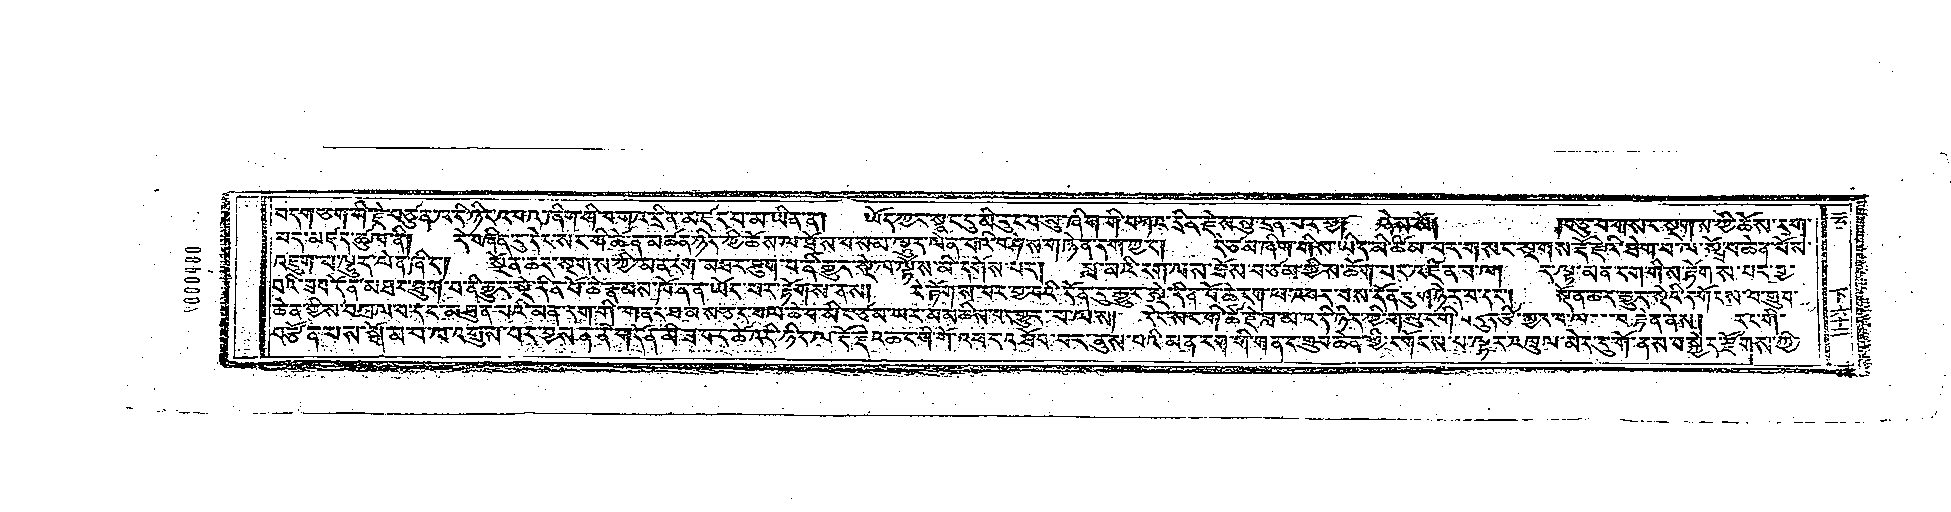བདག་ཅག་གི་རྗེ་བཙུན་འདི་ཉིད་འབའ་ཞིག་གི་བཀའ་དྲིན་མཛད་པ་མ་ཡིན་ན། ཡོད་ཀྱང་སྣང་དུ་མི་རུང་བ་སུ་ཞིག་གི་བཀའ་དྲིན་རྗེས་སུ་དྲན་པར་བྱ། ཞེས་སོ། །བཅུ་པ་གསང་སྔགས་ཀྱི་ཆོས་རག་
པར་མཛད་ཚུལ་ནི། དེ་བཞིན་དུ་དེང་སང་གི་ཚེ་ན་མཚན་ཉིད་ཀྱི་ཆོས་ལ་ཐོས་བསམ་ལྷུར་ལེན་བའི་བཤེས་གཉེན་དག་ཀྱང་། དེ་ཙམ་ཞིག་གིས་ཡིད་མི་ཚིམ་བར་གསང་སྔགས་རྡོ་རྗེའི་ཐེག་པ་ལ་སྤྲོ་བ་ཆེན་པོས་
འཇུག་པ་ལྷུར་ལེན་ཞིང་། སྔོན་ཆད་སྔགས་ཀྱི་མན་ངག་མཐར་ཐུག་པ་ནི་རྒྱུད་སྡེ་ལ་ལྟོས་མི་དགོས་པར། བླ་མའི་དག་ལས་ཐོས་བ་ཙམ་གྱིས་ཆོག་པར་འཛིན་བ་ལ། ད་ལྟ་མན་ངག་གིས་རྟོགས་པར་བྱ་
བའི་ཟབ་དོན་མཐར་ཐུག་པ་ནི་རྒྱུད་སྡེ་རིན་པོ་ཆེ་རྣམས་ཁོ་ན་ན་ཡོད་པར་རྟོགས་ནས། དེ་རྟོགས་པར་བྱ་བའི་དོན་དུ་རྒྱུད་སྡེ་རིན་པོ་ཆེ་ངག་ལ་འབད་པས་དོན་དུ་གཉེར་བ་དང་། སྔོན་ཆད་རྒྱུད་སྡེའི་དགོངས་པ་གྲུབ་
ཆེན་གྱིས་བཀྲལ་བ་དང་མཐུན་པའི་མན་དག་གི་གནང་ཐམས་ཅད་ཕལ་ཆེ་བ་མིང་ཙམ་ཡང་མ་མཆིས་པར་གྱུར་པ་ལས། དེང་སང་གི་ཚེ་རྗེ་བླ་མ་འདི་ཉིད་ཀྱི་གསུང་གི་བདུད་རྩི་མྱར་བ་ལ་བརྟེན་ནས། རང་གི་
བརྩོན་བས་སྒོམ་པ་ལ་འགྲུས་པར་བྱས་ན་ནི་གདོན་མི་ཟ་བར་ཚེ་འདི་ཉིད་ལ་རྡོ་རྗེ་འཆང་གི་གོ་འཕང་འཐོབ་པར་ནུས་པའི་མན་ངག་གི་གནང་གྲུབ་ཆེན་གྱི་དགོངས་པ་ལྟར་འཁྲུལ་མེད་དུ་གོ་ནས་བསྐྱེད་རྫོགས་ཀྱི་